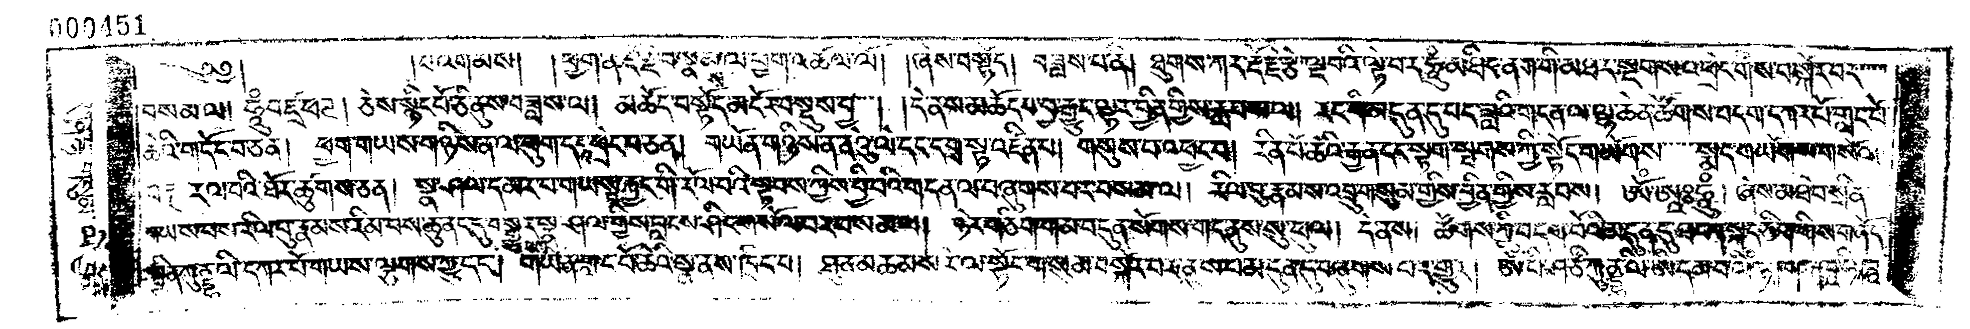༄༅། །པ་འགེམས། །ཕྱག་ན་རྡོ་རྗེ་བསྣམས་ལ་ཕྱག་འཚལ་ལོ། །ཞེས་བསྟོད། བཟླས་པ་ནི། ཐུགས་ཀར་རྡོ་རྗེ་རྩེ་ལྔ་པའི་ལྟེ་བར་ཧཱུཾ་མཐིང་ནག་གི་མཐར་སྔགས་འཕྲེང་གིས་བསྐོར་བར་
བསམ་ལ། ཧཱུཾ་བཛྲ་ཕཊ། ཅེས་སྙིང་པོ་ཅི་ནུས་བཟླས་ལ། མཆོད་བསྟོད་མདོར་བསྡུས་བྱ། །དེ་ནས་མཆོད་པ་བྱ་རྒྱུད་ལྟར་བྱིན་གྱིས་རླབས་ལ། རང་གི་མདུན་དུ་པད་ཟླའི་གདན་ལ་ལྷ་ཆེན་ཚོགས་བདག་དཀར་པོ་གླང་པོ་
ཆེའི་གདོང་པ་ཅན། ཕྱག་གཡས་གཉིས་ན་ལ་ཕུག་དང་འཕྲེང་བ་ཅན། གཡོན་གཉིས་ན་ནེའུ་ལེ་དང་དགྲ་སྟ་འཛིན་པ། གསུས་པ་འཕྱང་བ། རིན་པོ་ཆེའི་རྒྱན་དང་སྟག་སྤགས་ཀྱི་སྟོད་གཡོགས་སྨད་གཡོགས་གསོལ་
བ༑ རལ་བའི་ཐོར་ཚུགས་ཅན། སྣ་ཤལ་དམར་པ་གཡས་བརྐྱང་གི་རོལ་བའི་སྟབས་ཀྱིས་བྱི་བའི་གདན་ལ་བཞུགས་པར་བསམ་ལ། རིལ་བུ་རྣམས་འབྲུ་གསུམ་གྱིས་བྱིན་གྱིས་རླབས། ཨོཾ་ཨཱཿ ཧཱུཾ། ཞེས་མཐེབ་སྲིན་
གཡས་པས་རིལ་བུ་རྣམས་རིམ་པས་ཆུ་ནང་དུ་བསྒྱུར་པས་སྣ་ཤལ་གྱིས་བླངས་ཤིང་གསོལ་བར་བསམ་ལ། ཉེར་གཅིག་གམ་བདུན་སོགས་གང་ནུས་སུ་ཕུལ། དེ་ནས། ཚོགས་ཀྱི་བདག་པོའི་མདུན་དུ་ཐང་ཀ་སྐད་ཅིག་གིས་གནོད་
སྦྱིན་ཀུནྡྷ་ལི་དཀར་པོ་གཡས་ལྕགས་ཀྱུ་དང་། གཡོན་གླང་པོ་ཆེའི་སྣ་ནས་ཁྲིད་པ། ཐུན་མཚམས་རེ་ལ་སྟོང་གསུམ་བསྐོར་བར་ནུས་པ་མདུན་དུ་བཞུགས་པར་གྱུར། ཨོཾ་པི་ཤ་ཙི་ཀུནྡྷ་ལི་ཨི་དམ་པ་ལི་ཏཾ་ཁ་ཁ་ཁཱ་ཧི་ཁཱ་